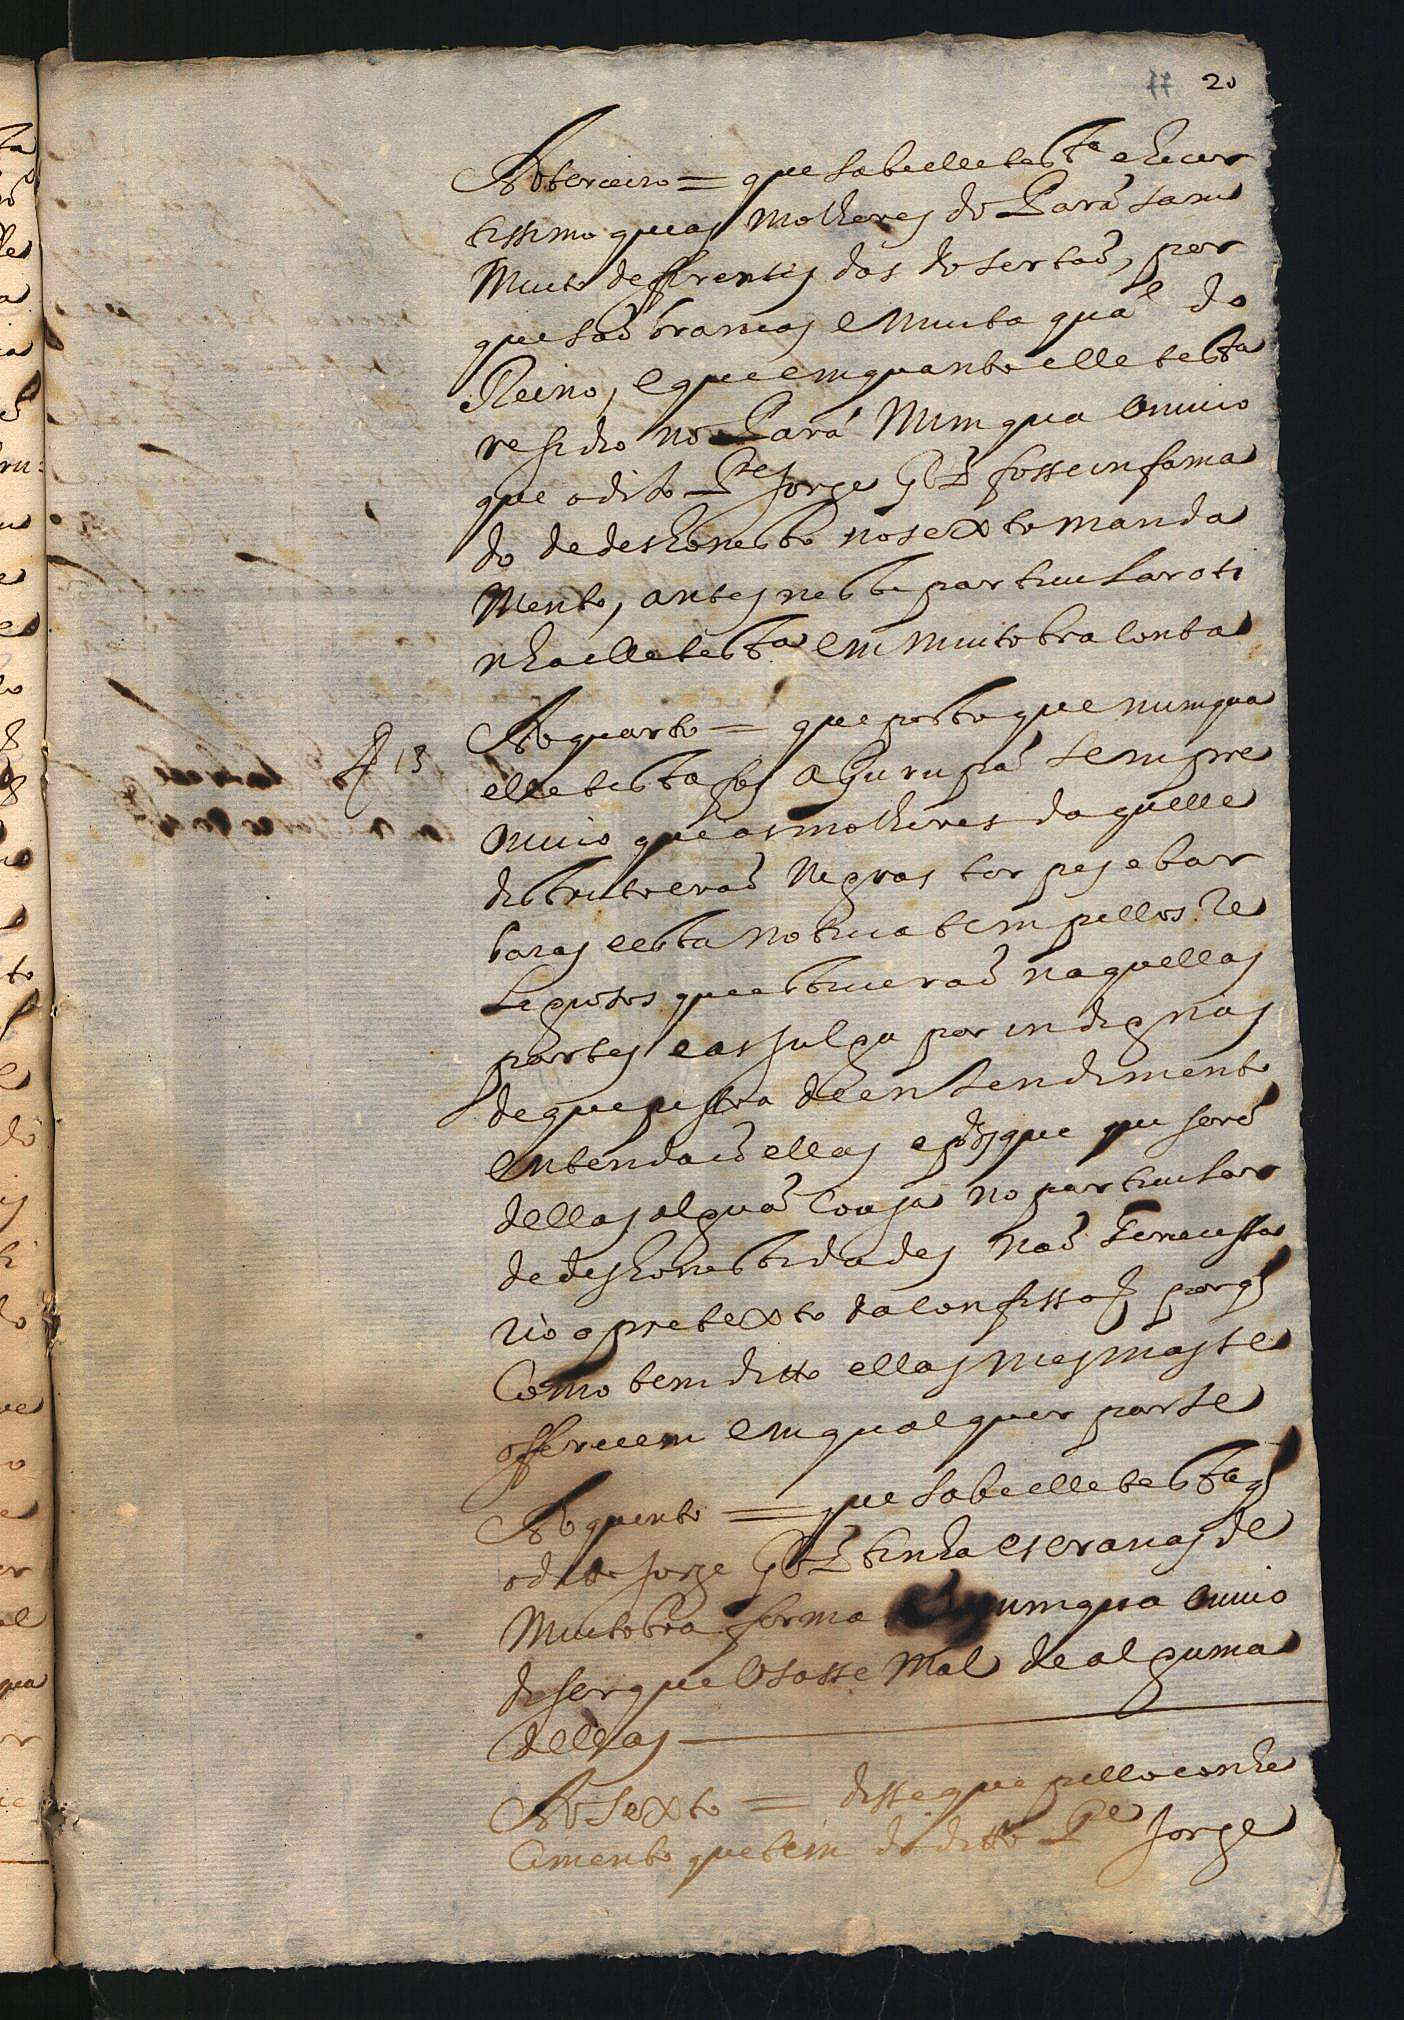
Ao terceiro = que sabe elle testa e he cer
tissimo que as molheres do Pará sam
Muito deffrentes das do sertaõ, por
que saõ brancas e muito qua do
Reino, e que emquanto elle testa
residio no Pará Numqua ouuio
que o dito Pe Jorge Glz̄ fosse infama
do de deshonesto no sexto manda
mento, antes neste particular o ti
nha elle test.a em muito boa conta
Ao quarto = que posto que numqua
elle testa foj a Gurupā sempre
ouuio que as molheres daquelle
districto eraõ negras torpes e bar
baras e esta noticia tem pellos Re
Ligiosos que estiueraõ naquellas
partes, e as julga por indignas
de que pessoa de entendimento
entenda cō ellas e pa os que quiserē
dellas alguā cousa no particular
de deshonestidades naõ he necessa
rio o pretexto da confissaõ porq̄
como tem ditto ellas mesmas se
offerecem em qualquer parte
Ao quinto = que sabe elle testa q̄
o dito Jorge Glz̄ tinha escrauas de
muito boa forma _umqua ouuio
diser que vsasse mal de alguma
dellas
Ao sexto disse que pello conhe
cimento que tem do ditto P.e Jorge
